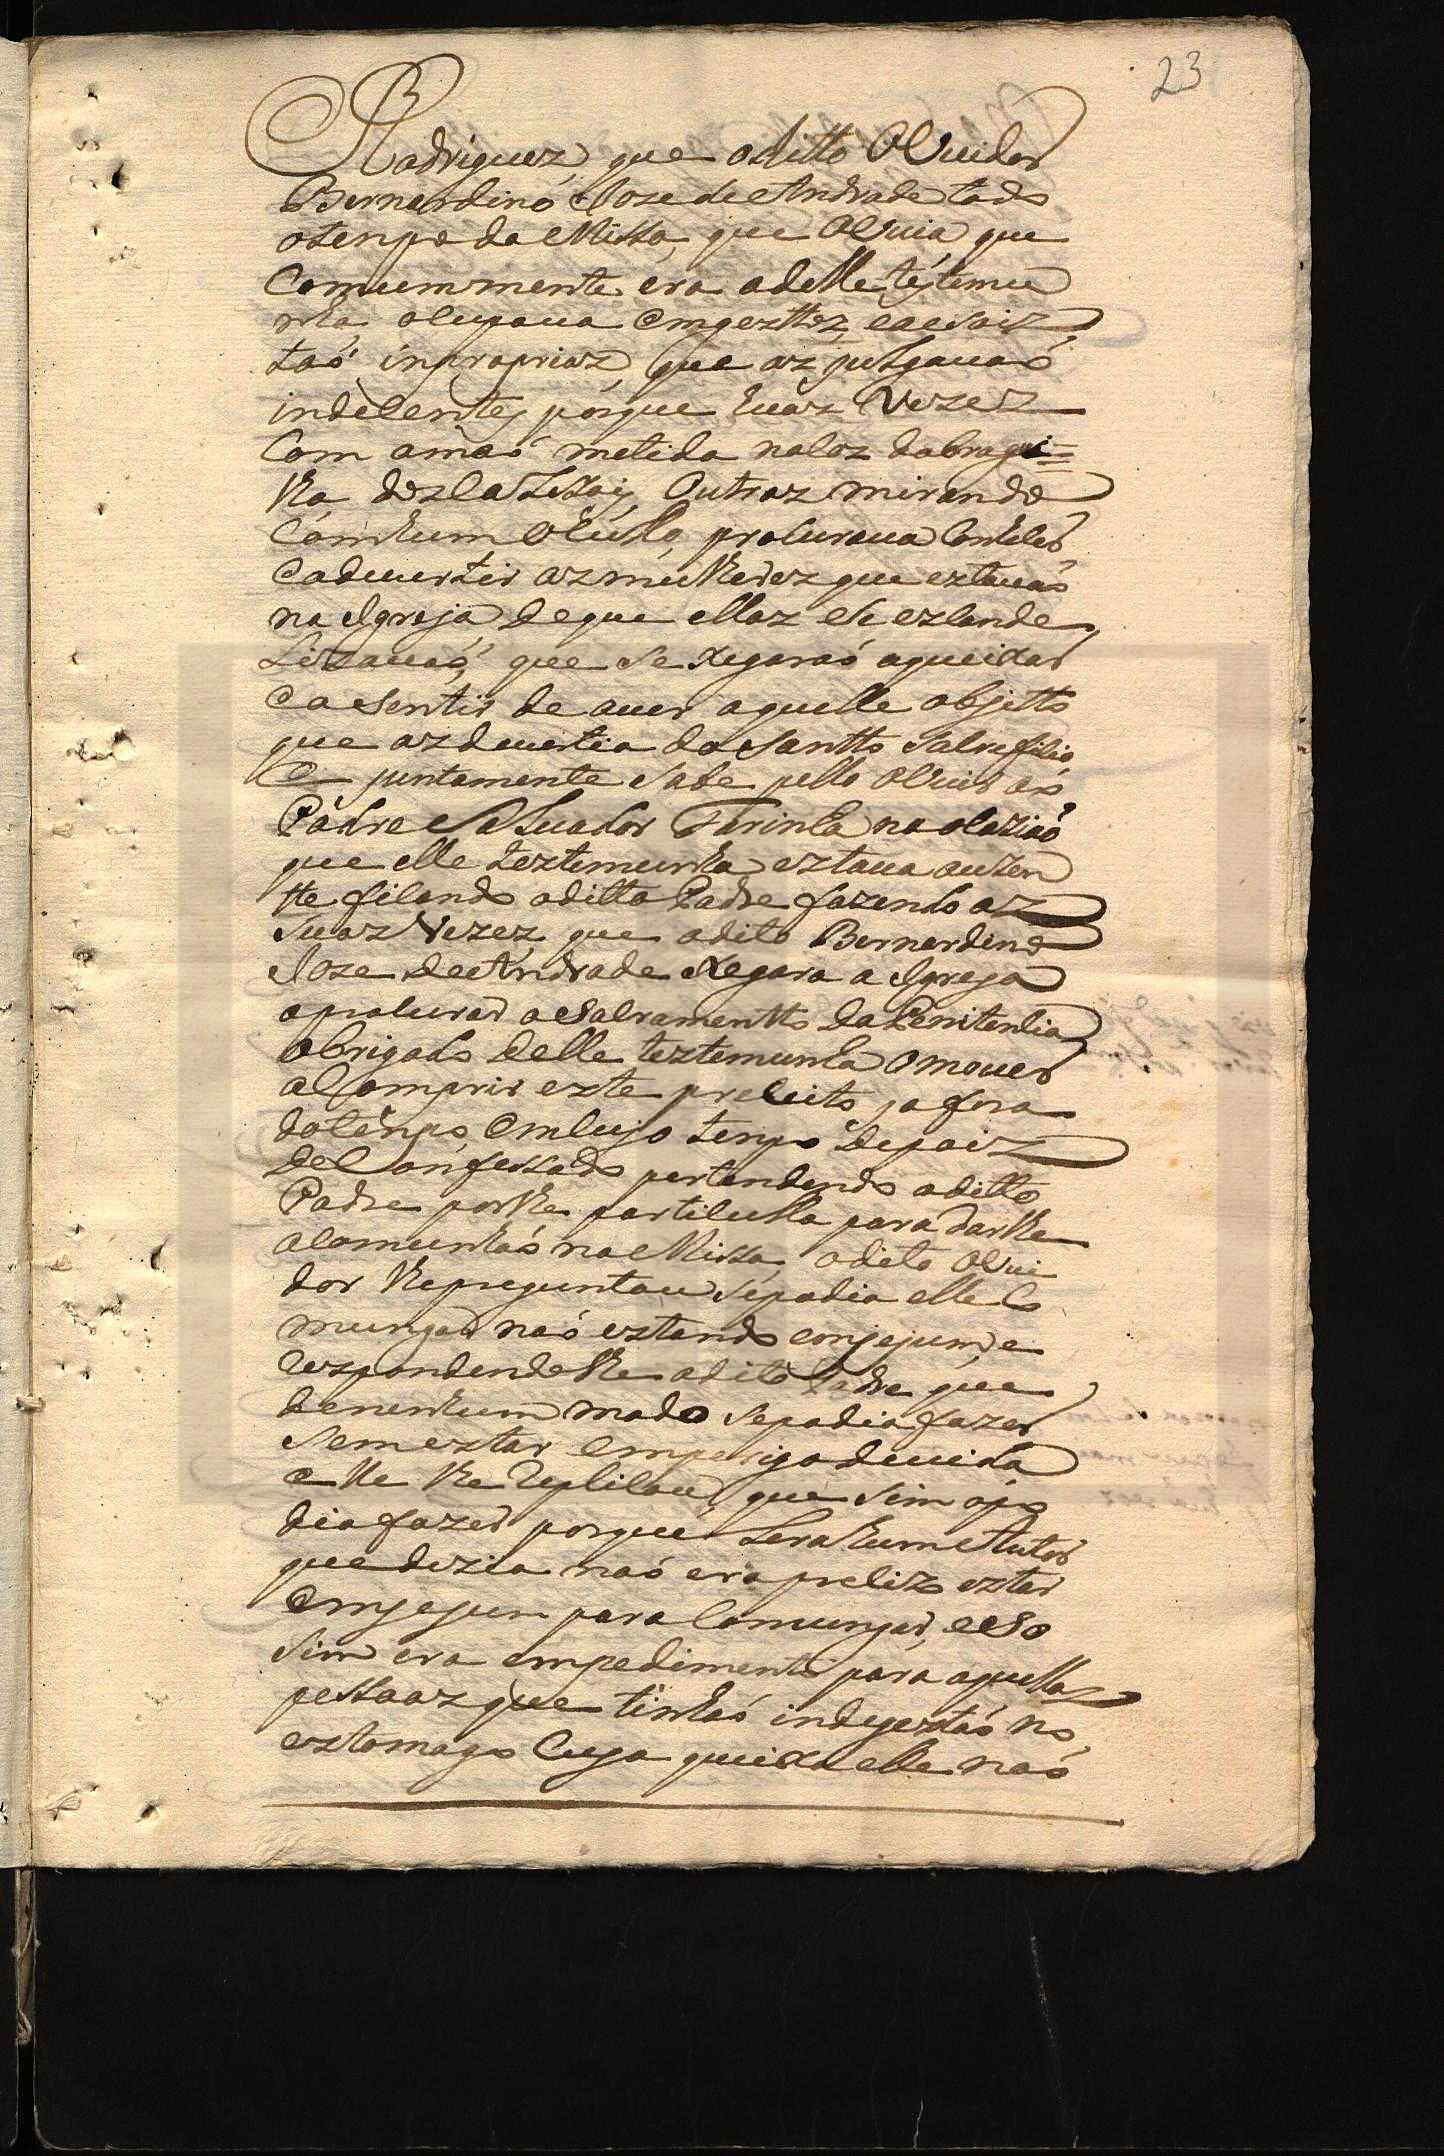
Rodriguez, que o ditto OVuidor
Bernardino Ioze de Andrade todo
o tenpo da Missa, que ovuia, que
Comummente era a delle testemu
nha ocupava em gezttoz e acsoiz
taõ inpropriaz, que az julgauaõ
indecentes porque huaz vezez
Com a maõ metida na coz da bragui
lha, doz Calssois, Outraz mirando
Com hum ocullo, procuraua conhecer
e adeuertir az mulherez que eztauaõ
na Igreja, De que ellaz se escande
lizauaõ, que se xegaraõ a queixar
e a Sentir de auer aquelle objetto
que az deuertia do Santto sacreficio,
e juntamente sabe pello ovuir ao
Padre Saluador Farinha na ocaziaõ
que elle teztemunha eztaua auzen
tte ficando o ditto Padre fazendo az
suaz Vezez, que o dito Bernardino
Ioze de Andrade Xegara a Igreja
a procurar o Sacramentto da Penitencia
obrigado Delle teztemunha o mouer
a Comprir ezte preceito ja fora
do tenpo, em cujo tenpo Depoiz
De confessado pertendendo o ditto
Padre porlhe particulla para darlhe
a comunhaõ na Missa, o dito ovui
dor lhe preguntou se podia elle Co
mungar naõ eztando em jejum, e
rezpondendolhe o dito Padre que
de nenhum modo se podia fazer
sem eztar em perigo de uida,
elle lhe Replicou, que sim o po
dia fazer porque Lera hum Autor
que dezia naõ era precizo eztar
em jejum para Comungar, e So
sim era empedimento para aquellaz
pessoaz que tinhaõ indegestaõ no
eztomago Cuja queixa elle naõ
